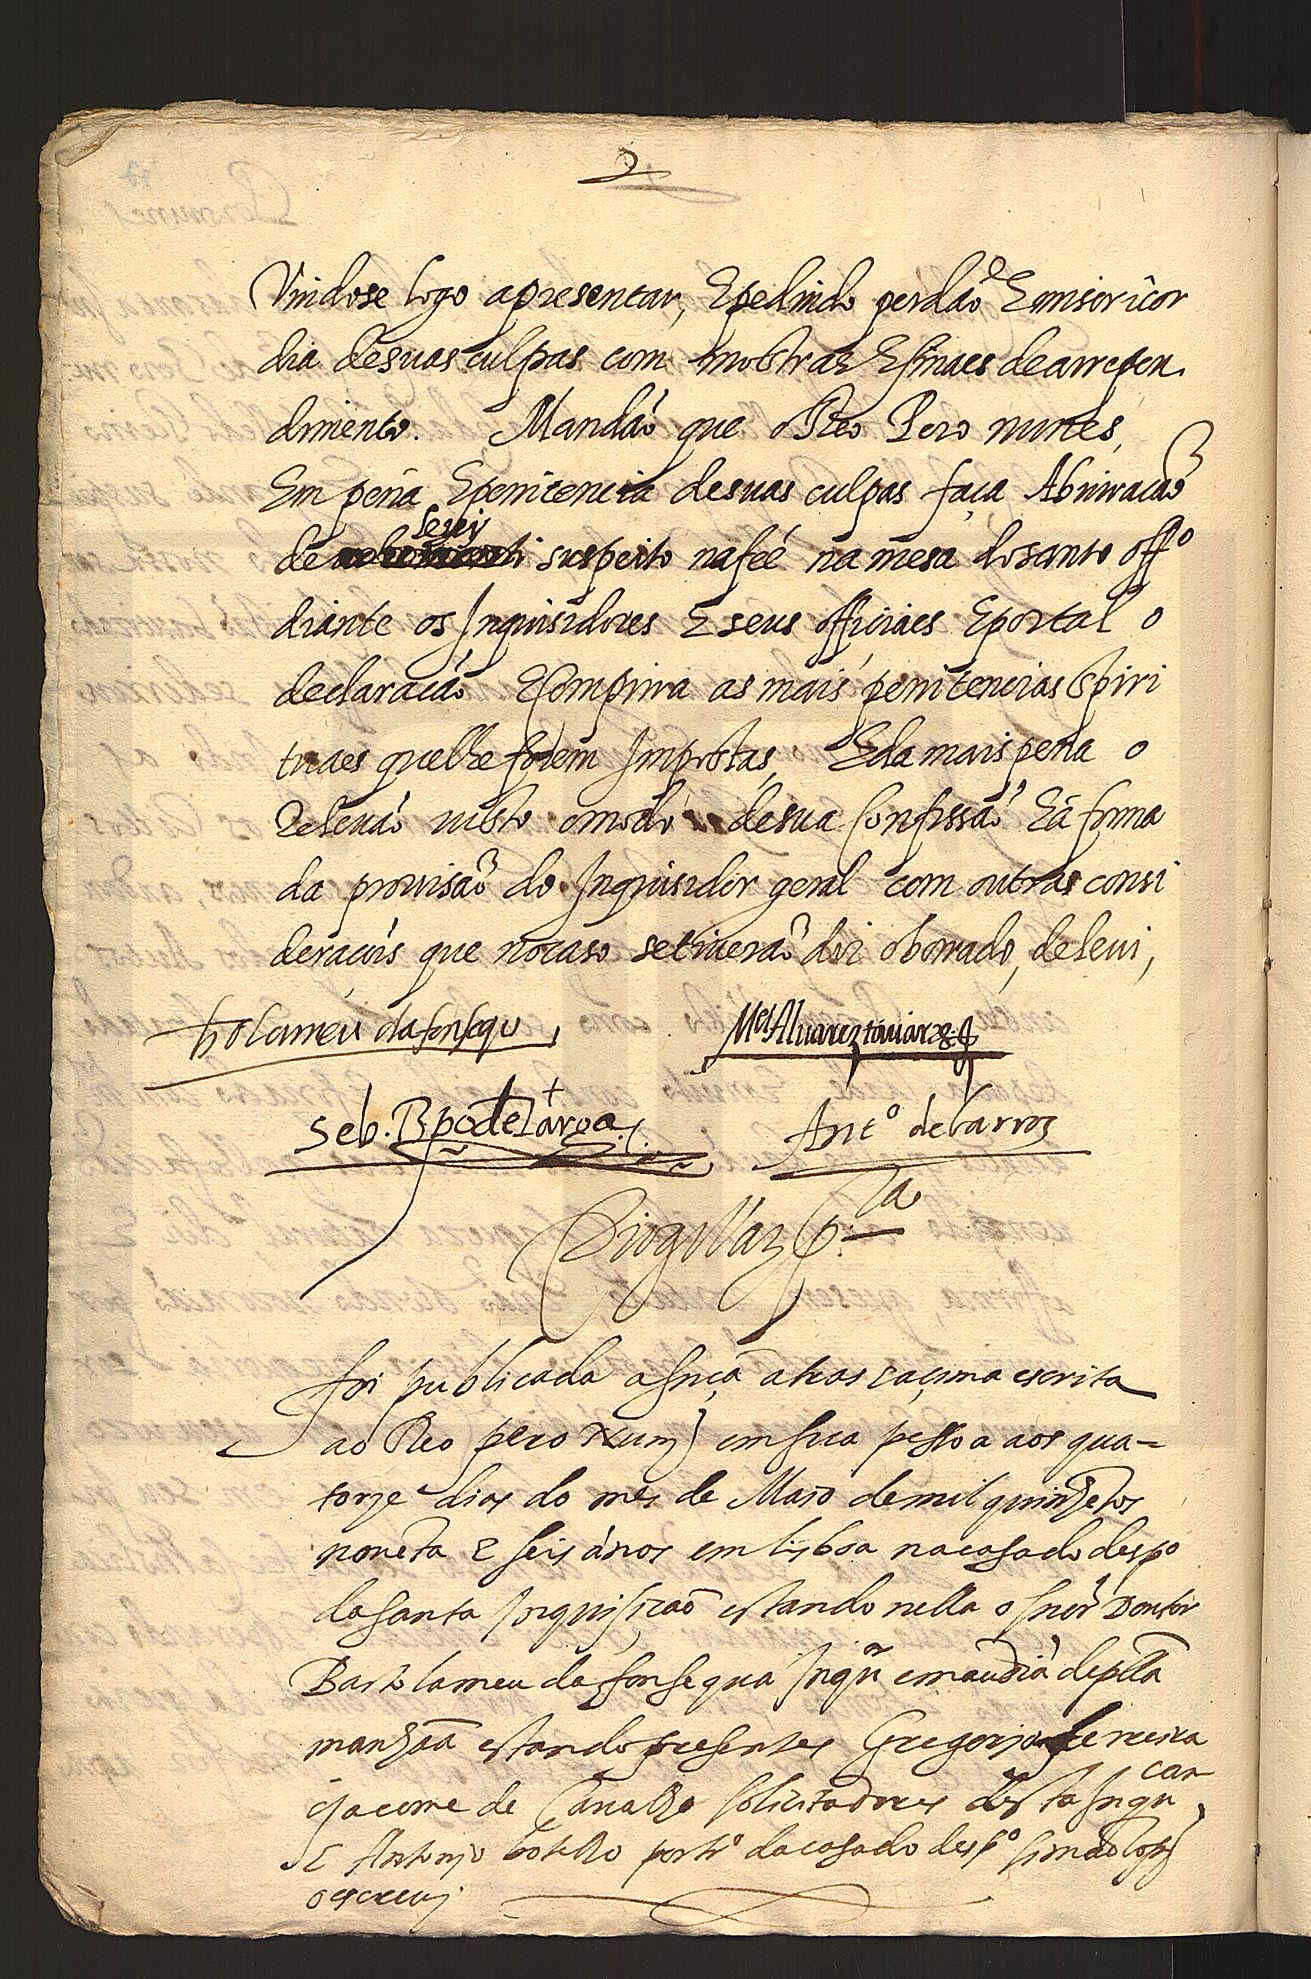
Vindose logo apresentar, E pedindo perdaõ E misericor
dia de suas culpas com mostras E sinaes de arrepen
dimento. Mandaõ que o Reo Pero nunes,
Em pena E penitencia de suas culpas faça Abiuraçaõ
de
leuy
suspeito na feé na mesa do santo offo
diante os Jnquisidores E seus officiaes E por tal o
declaração E Comprira as mais penitencias spiri
tuaes que lhe forem Jmpostas, E da mais pena o
Releuaõ uisto o modo de sua Confissaõ E á forma
da prouisaõ do Jnquisidor geral com outras consi
deraçoĩs que no caso se tiueraõ diz o borrado, de leui,
b̄olameu da fonseqa
Mel Aluarez tauares
Seb. Bpo de Targa
Anto de barros
Diogo Vaz p.ra
foi publicada a snçā atras e acima escrita
ao Reo pero Nunz̄ em sua pessoa aos qua
torze dias do mes de Maio de mil quinhētos
nouēta E seis ānos em lisboa na casa do despo
da santa Jnquisição estando nella o snor̄ Doutor
Bartolameu da fonsequa Jnquor em audiā de pl̄la
manhāa estando presentes Gregorjo ferreira
e Jacome de Caualho solicitadores desta Jnquçam
E Antonjo botelho portro da casa do despo simaõ lopz̄
o escreuj
